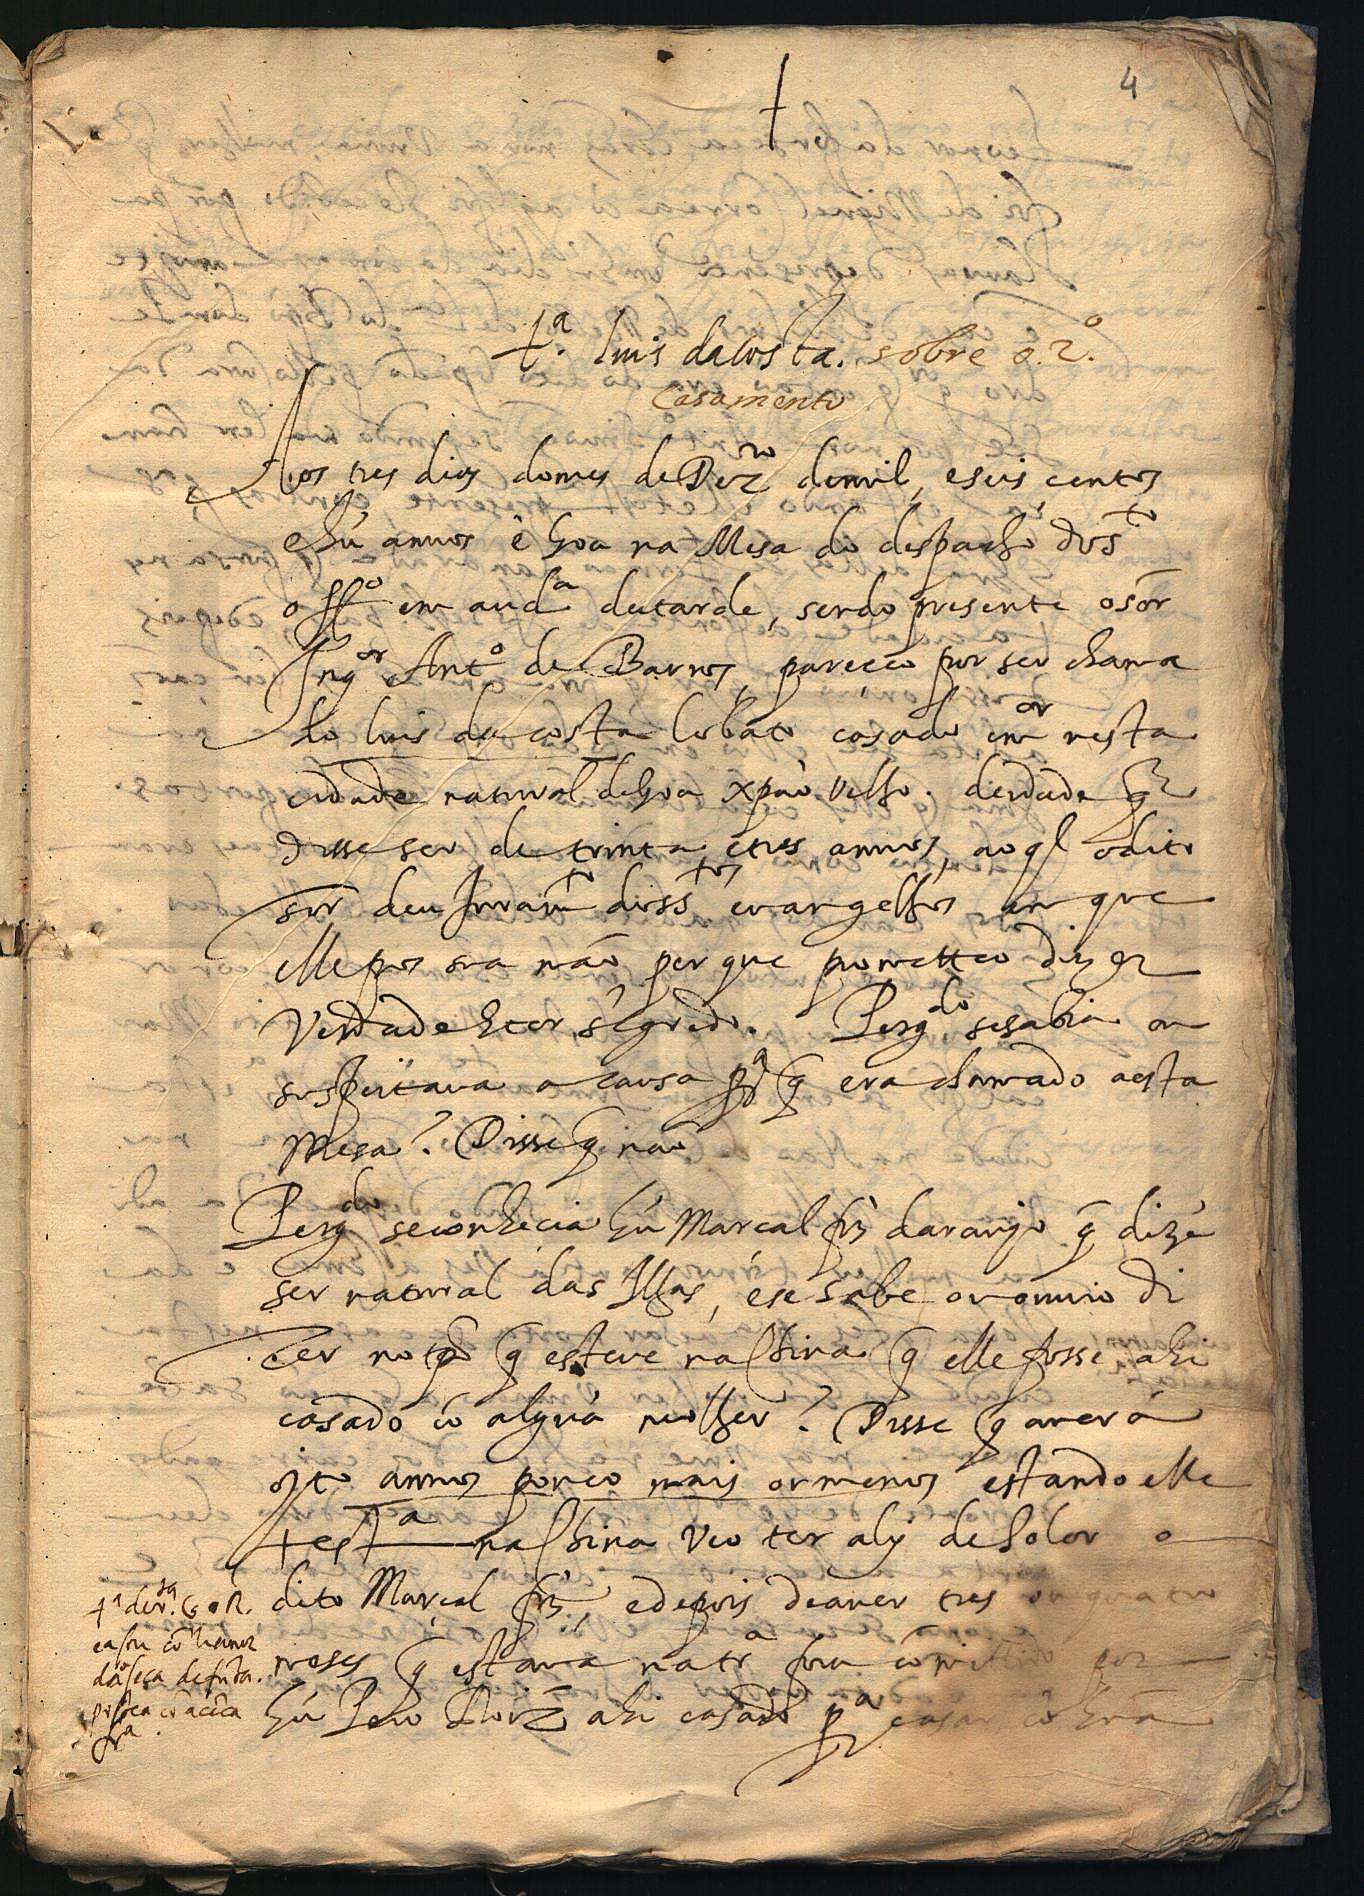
ta. Luis da costa. sobre o 2.o
casamento
Aos tres dias do mes de Dezro de mil, e seiscentos
e hū annos ē Goa na Mesa do despacho do sto
offo em auda da tarde, sendo presente o sōr
Jnqor Anto de Barros, pareceo por ser chama
do luis da costa lobato casado e mor nesta
cidade natural de Goa xpaõ velho. de idade q̄
disse ser de trinta e tres annos, ao q̄ o dito
s̄or deu Juramto dos stos evangelhos em que
elle pos sua maõ porque prometteo dizer
Verdade E ter segredo. Pergdo se sabia ou
sospeitava a causa ꝑa q̄ era chamado a esta
mesa? Disse q̄ naõ
Pergdo se conhecia hū Marçal frz̄ daraujo q̄ dizē
ser natural das Ilhas, e se sabe ou ouuio di
Zer no tpō q̄ esteve na China q̄ elle fosse ahi
casado cō alguā molher? Disse q̄ averá
ojto annos pouco mais ou menos estando elle
testa na China veo ter aly de solor o
dito Marçal frz̄, e depois de auer tres ou quatro
ta de v.ta q̄ o R.
casou cō lianor
daoseca defūta.
postea cō acēca
fra
meses q̄ estava na tra fora cōmittido por
hū Pero Roiz̄ ahi casado ꝑa casar cō huā
